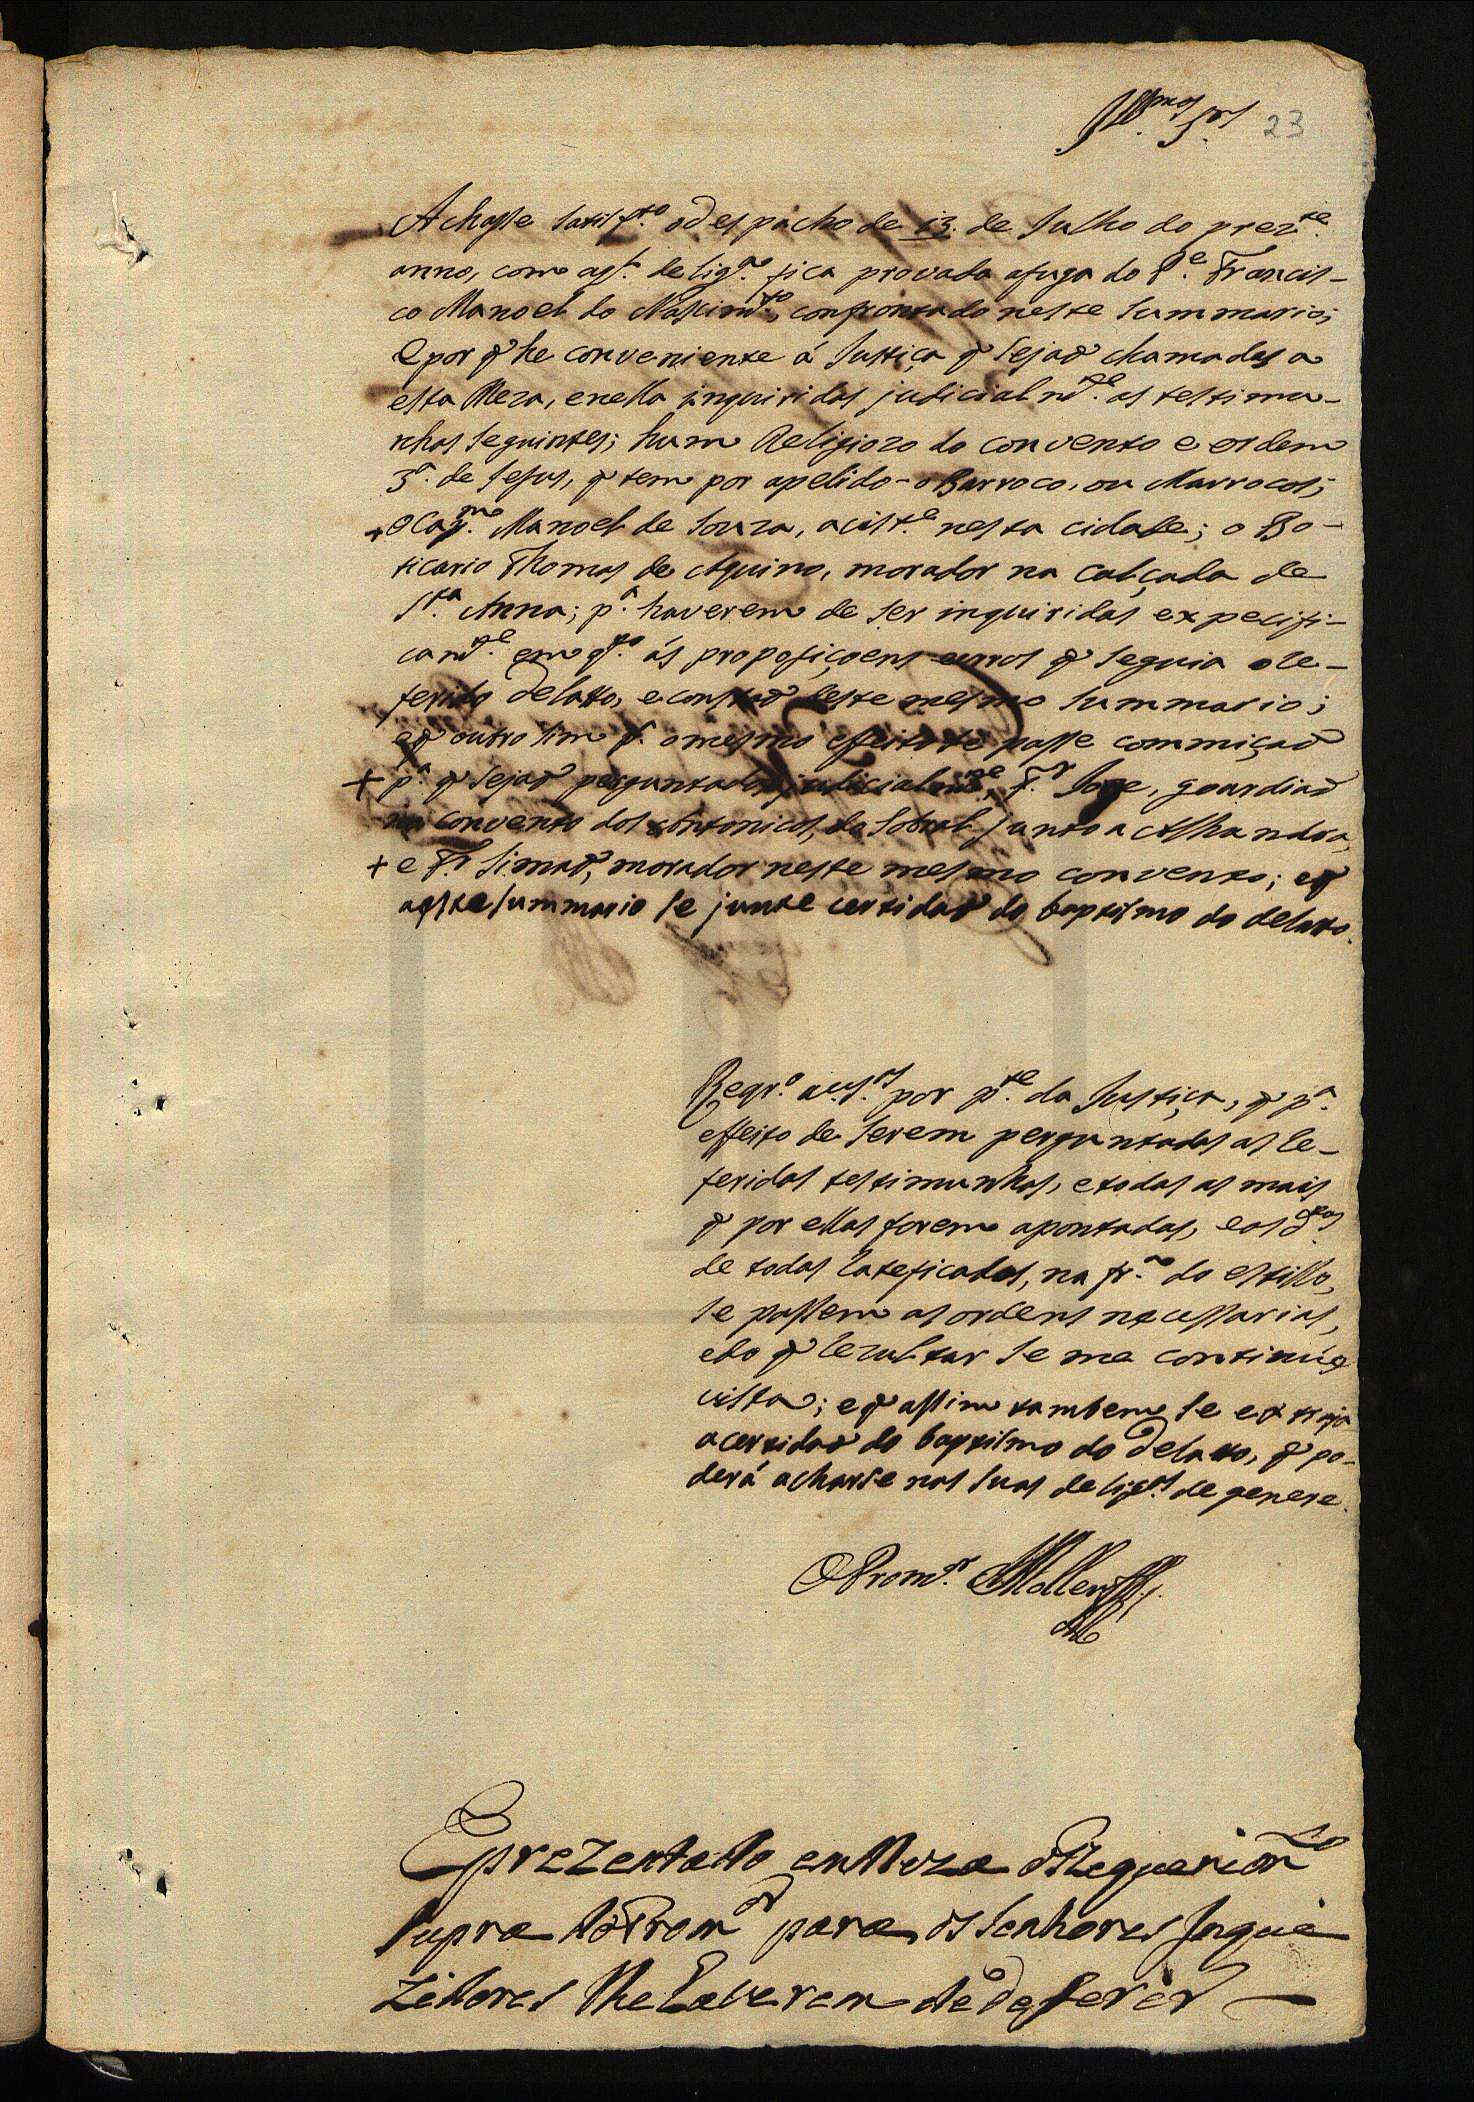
Jll.mos s.rs
Achasse satisf.to o despacho de i3. de Iulho do prez.te
anno, como a q.l delig.a fica provada a fuga do P.e Francis
co Manoel do Nascim.to confrontado neste summario;
e porq̄ he conveniente á Iustiça q̄ sejaõ chamadas a
esta Meza, e nella inquiridas judicialm.te as testimu
nhas seguintes; hum Religiozo do convento e ordem
3.a de Iesus, q̄ tem por apelido = o Barroco, ou Marrocos;
o cap.m Manoel de Souza, acist.e nesta cidade; o Bo
ticario Thomas de Aquino, morador na calçada de
st.a Anna; p.a haverem de ser inquiridas expecifi
cam.te emq.to ás proposiçoens e erros q̄ seguia o re
ferido delatto, e constar deste mesmo summario;
e q̄ outrosim p̄. o mesmo effeito se passe commiçaõ
+ p.a q̄ sejaõ perguntados judicialmte s.r Io_e, goardiaõ
no convento dos Antonicos, de Sobral junto a Alhandra,
+ e F.r Simaõ, morador neste mesmo convento; e q̄
a este summario se junte certidaõ do baptismo do delato
Reqr.o a vs.as por p.te da Iustiça, q̄ p.a
effeito de serem perguntadas as Re
feridas testimunhas, e todas as mais
q̄ por ellas forem apontadas, e os d.os
de todos Rateficados, na fr.a do estillo
se passem as ordens necessarias,
e do q̄ Rezultar se ma continue
vista; e q̄ assim tambem se extraya
a certidaõ do baptismo do delatto, q̄ po
derá acharse nas suas delig.as de genere.
O Prom.or Moller
E prezentado em Meza o Requeremto
supra do Promor para os senhores Jnqui
zidores lhe haverem de deferer
